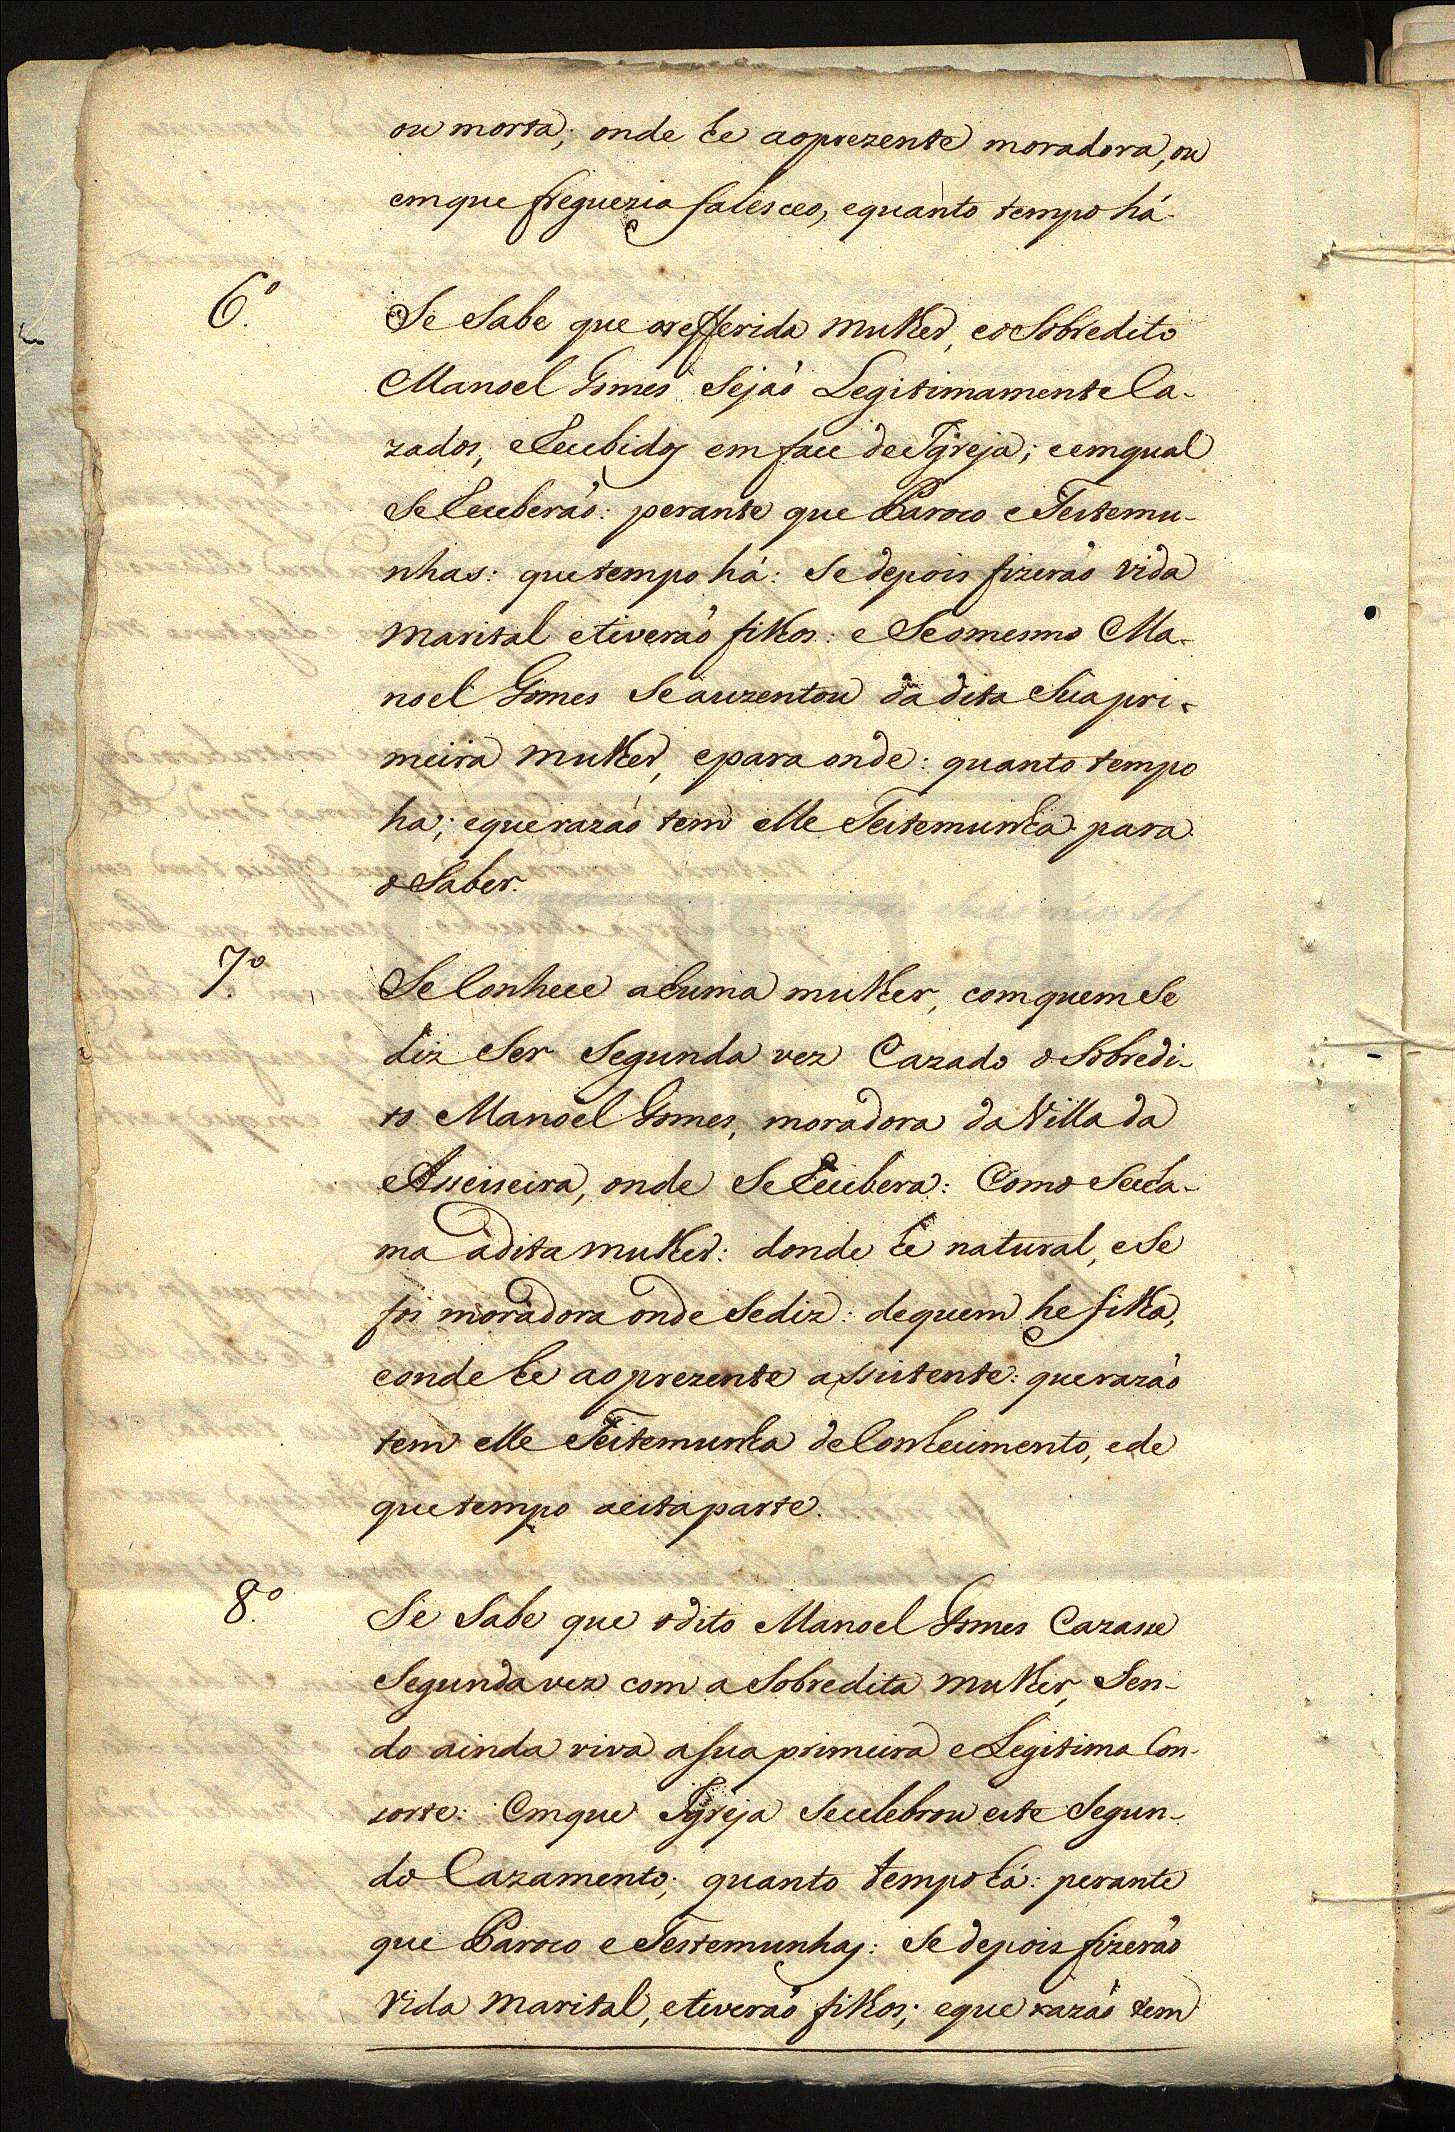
6.o
7.o
8.o
ou morta; onde he ao prezente moradora, ou
em que freguezia falesceo, e quanto tempo há
Se Sabe que a refferida mulher, e o Sobredito
Manoel Gomes Sejaõ Legitimamente Ca
zados, e Recebidos em face de Igreja; e em qual
Se Receberaõ: perante que Paroco e Testemu
nhas: que tempo há: se depois fizeraõ vida
marital, e tiveraõ filhos: e Se o mesmo Ma
noel Gomes Se auzentou da dita Sua pri
meira mulher, e para onde: quanto tempo
ha; e que razaõ tem elle Testemunha para
o Saber.
Se Conhece a huma mulher, com quem se
diz Ser Segunda vez cazado o Sobredi
ro Manoel Gomes, moradora da Villa da
Asseiseira, onde se Recebera: Como Se cha
ma a dita mulher: donde he natural, e Se
foi moradora onde Se diz: de quem he filha,
e onde he ao prezente assistente: que razaõ
tem elle Testemunha de Conhecimento, e de
que tempo a esta parte.
Se Sabe que o dito Manoel Gomes Cazasse
Segunda vez com a Sobredita mulher, Sen
do ainda viva a sua primeira e Legitima Con
sorte: Em que Igreja se celebrou este Segun
do Cazamento; quanto tempo há: perante
que Paroco e Testemunhas: se depois fizeraõ
vida marital, e tiveraõ filhos; e que razaõ tem
